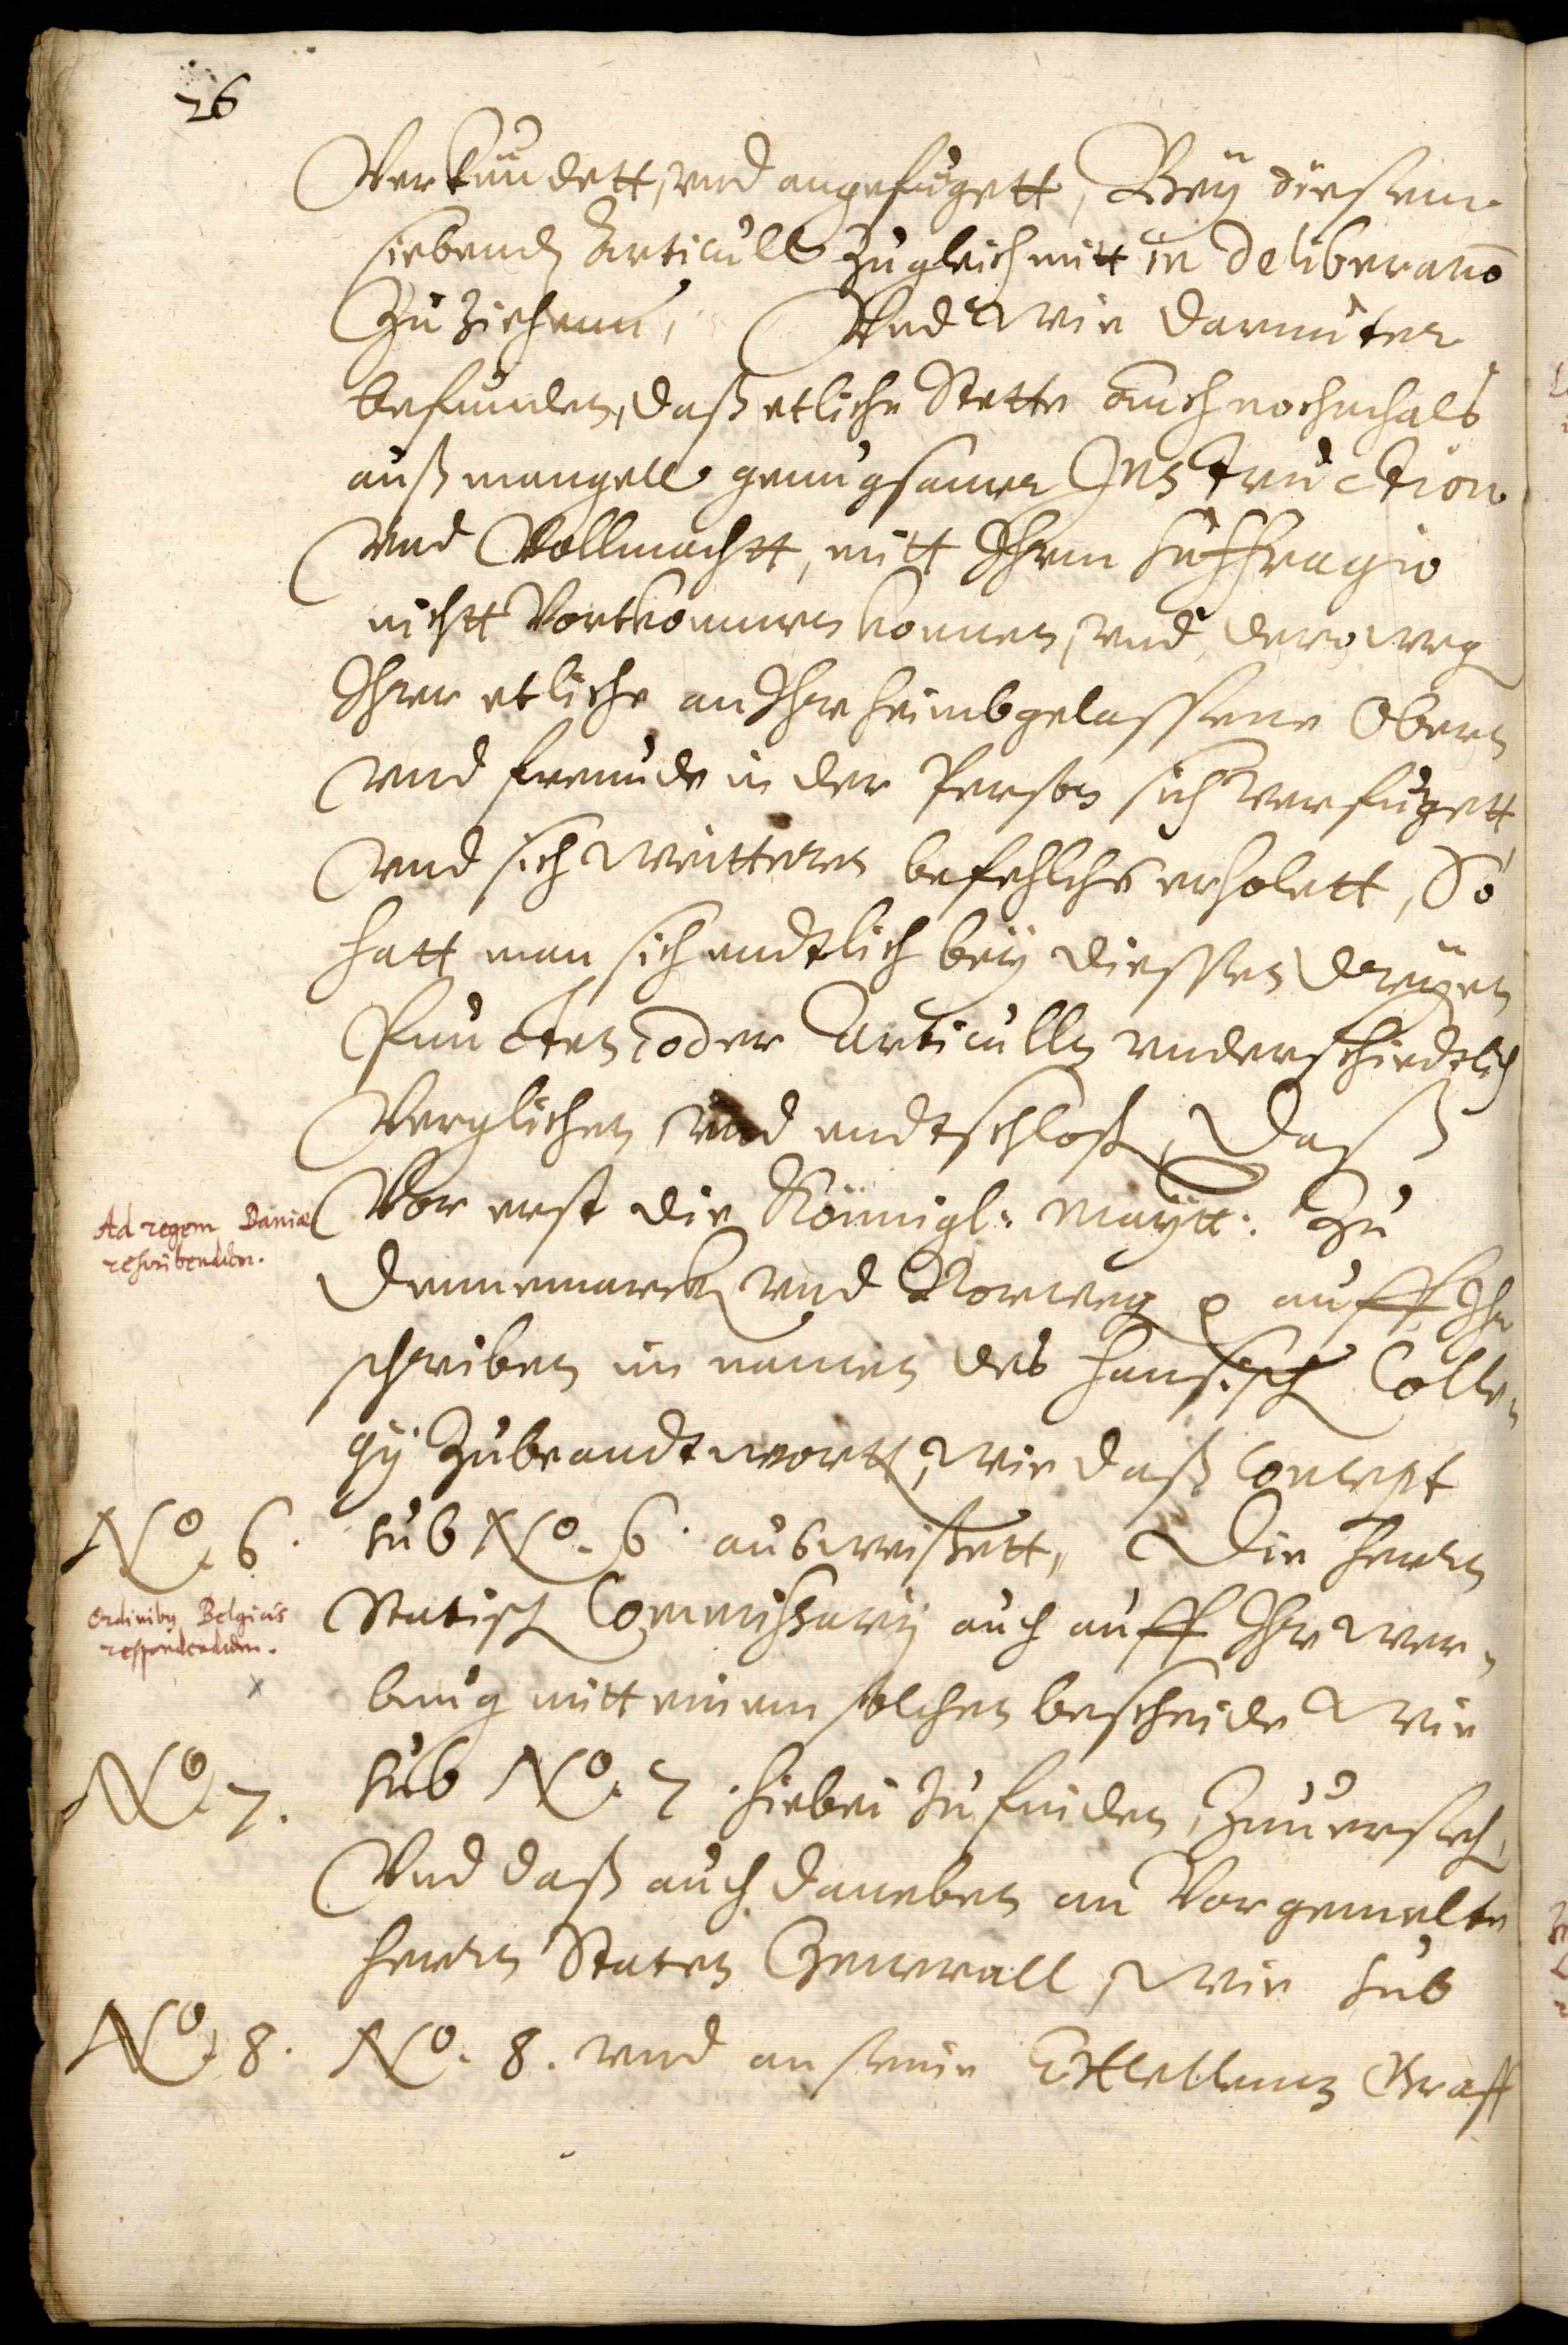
26
Verkündett, vnd angefügett, Beij diesem
siebenden Articull zu gleich mitt in deliburation
zu ziehenn, Vnd wie darunter
befunden, daß etliche Stette auch nochmhals
auß mangell genugsamer Instruction
vnd Vollmachtt, mitt Ihrm suffragio
nichtt Vortkommen konnen, vnd derowegen
Ihrer etliche an Ihre heimbgelassenen Obern
vnd freunde in der Person sich verfugett
vnd sich weitteren befehlchs erholett, So
hatt man sich endtlich beij diessen dreijen
Puncten, oder Articulln vnderschiedtlich
verglichen, vnd endtschloßen, daß
Vor erst die Könnigl: Maijtt: zu
Dennemarcken vnd Norwegen p auff Ihr
schreiben in namen des hansischen Colle¬
gij zubeandtwortten, wie daß Concept
sub No. 6 ausweißett, Die herrn
Stetischen Commissarij auch auff Ihr wer¬
bung mitt einem solchen bescheide wie
sub No. 7. hiebei zu finden, zuuerstehen,
vnd daß auch daneben an Vorgemelte
herrn Staten Generall, wie sub
No.8. vnd an seine Excellentz Graff
Ad regem Daniae
rescribendum.
No 6.
Ordinibus Belgicis
respondendum.
No 7.
No. 8.
